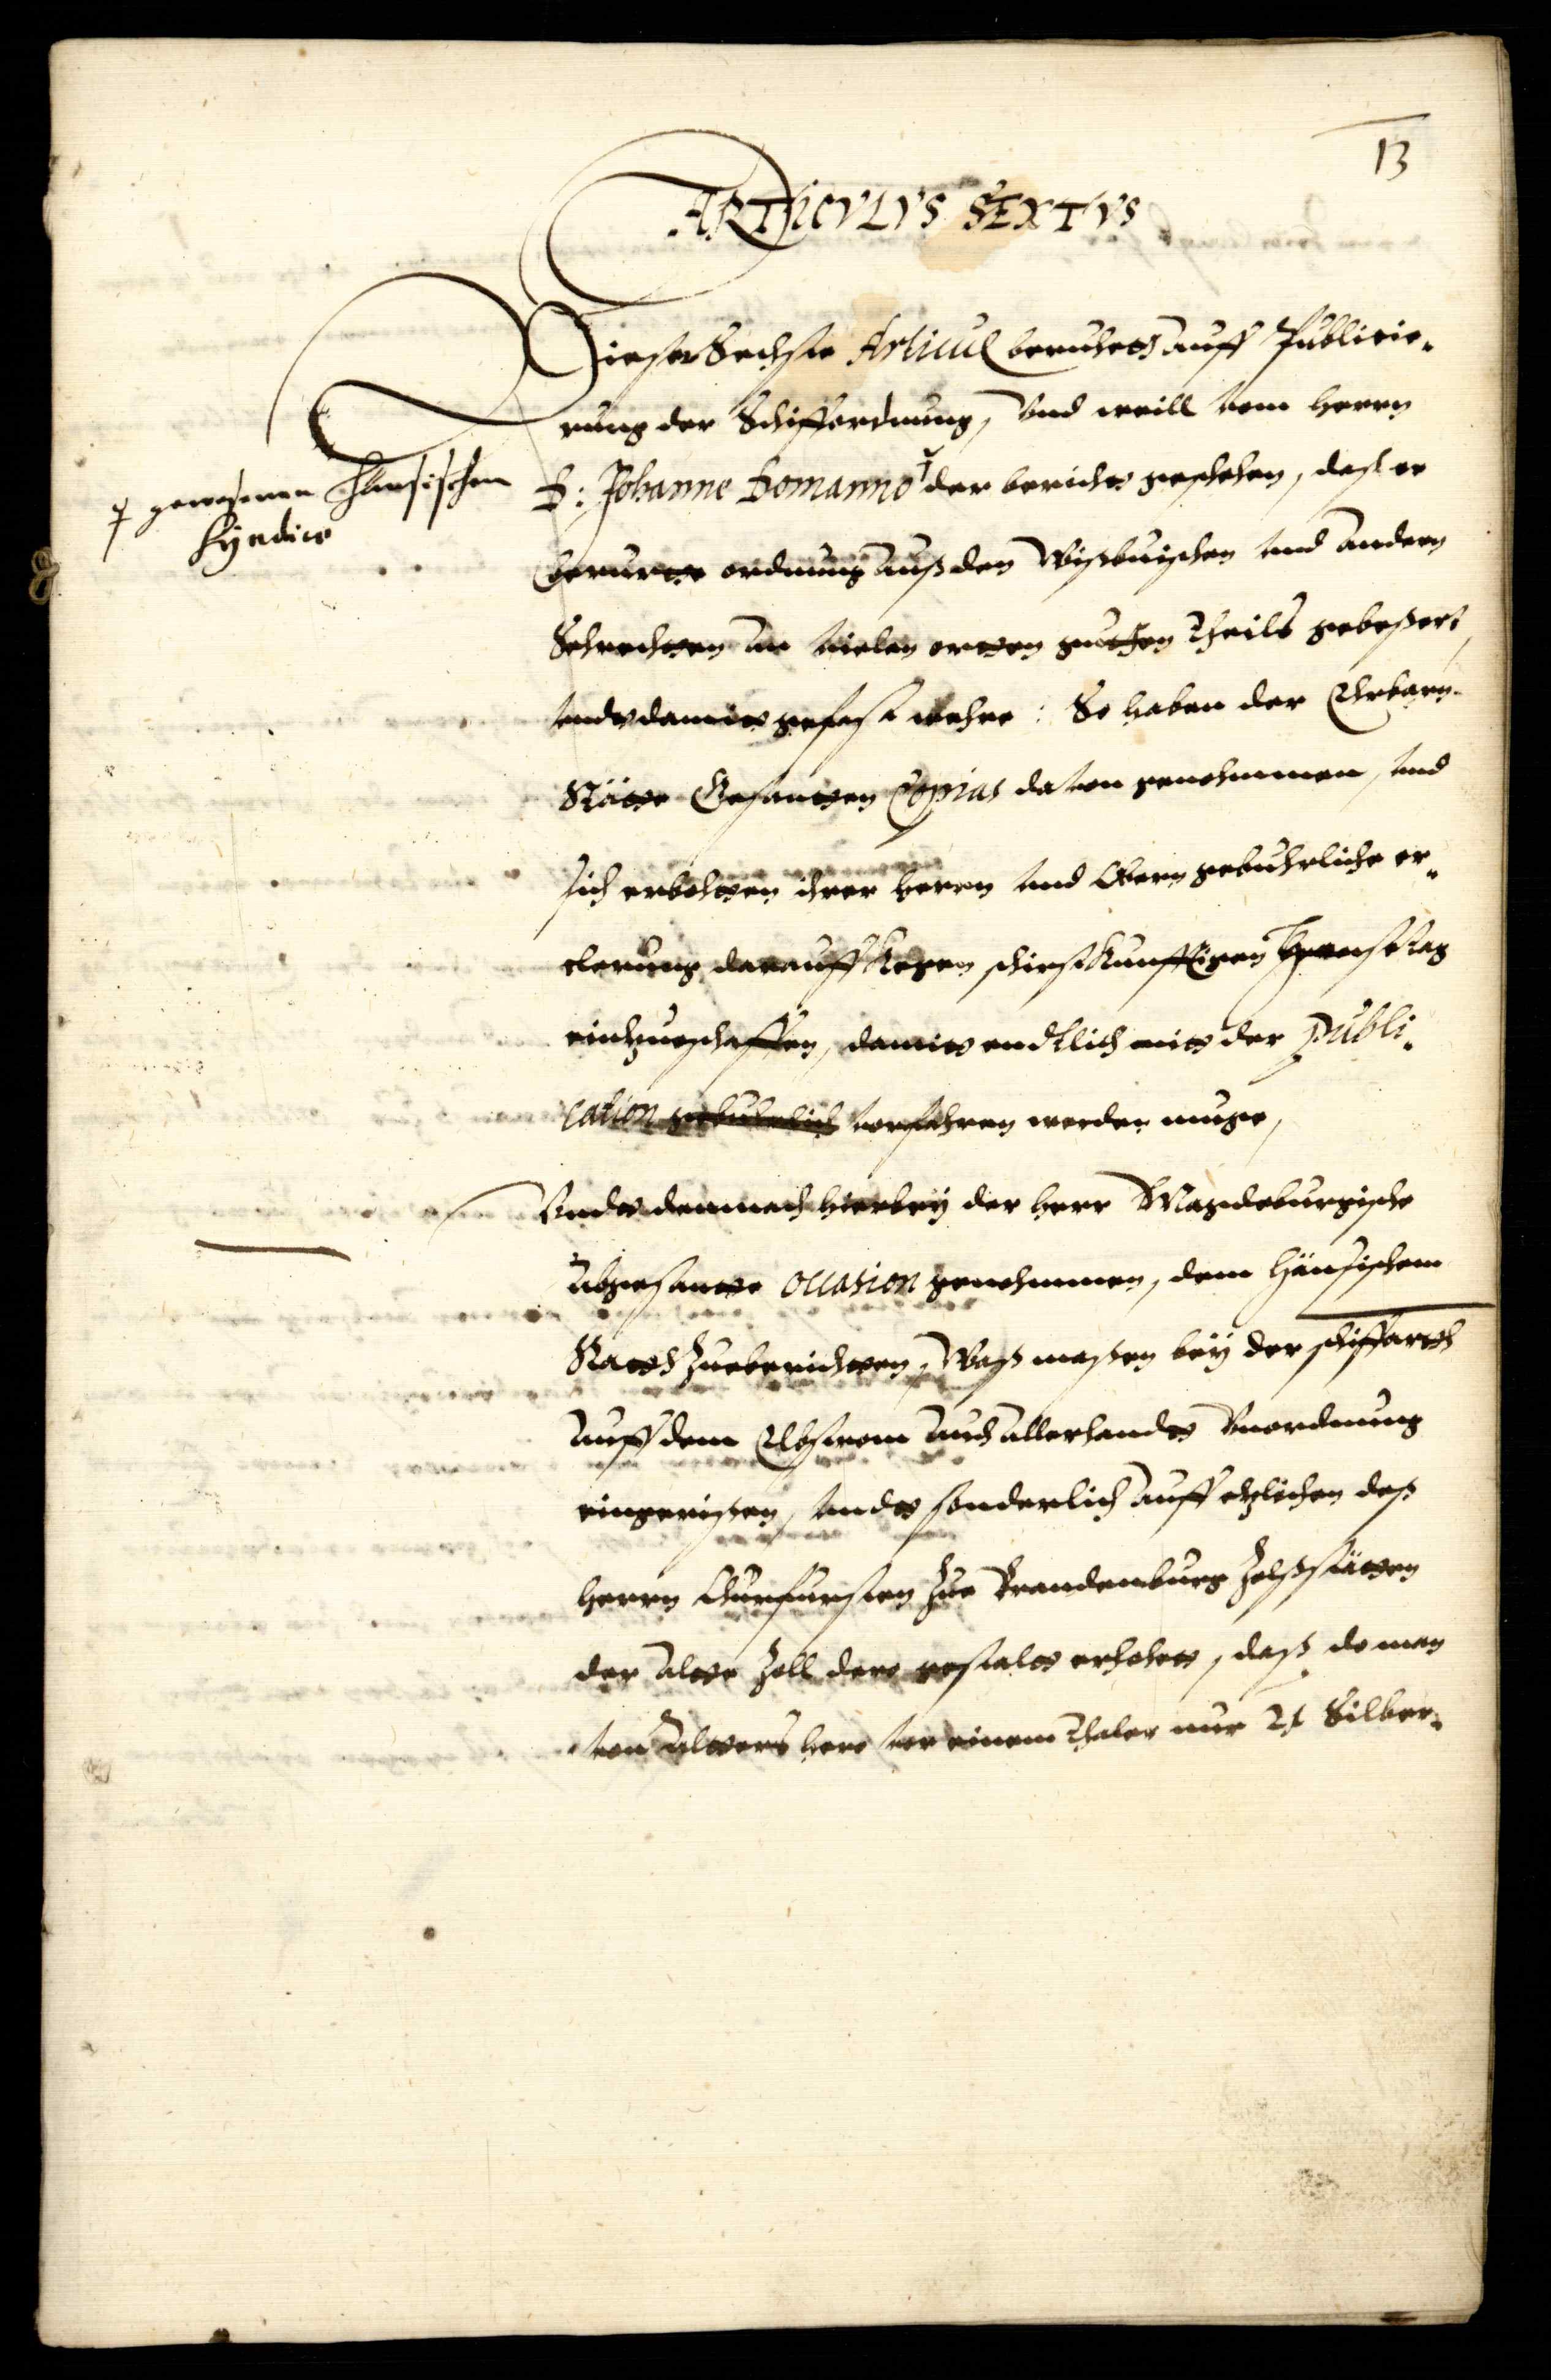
13
ARTICVLVS SEXTVS
Dieser Sechste Articul beruhett auff publicie¬
rung der Schiffordnung, Vnd weill vom herrn
D: Johanne Domanno + der berichtt geschehen, daß er
berurtte ordnung auß den Wißbuischen vnd Andern
Sehrechtten an vielen orten gutten theils gebeßert,
vndt damitt gefast wehre: So haben der Ehrbarn
Stätte Gesantten Copias davon genohmmen vnd
sich erbohtten ihrer herrn vnd Obern gebuhrliche er¬
clerung darauff kegen schirstkunfftigen Hansetag
eintzueschaffen, damitt endtlich mitt der Publi¬
cation gebuhrlich vorfahren werden muge,
+ gewesenen hänsischen
Sijndico
Vndtt demnach hierbeij der herr Magdeburgische
abgesantte occasion genommen, dem Hänsischen
Ratth zueberichtten, Waß maßen beij der schiffartth
auff dem Elbstrom auch allerhandtt Vnordnung
eingerißen, vndtt sonderlich auff etzlichen deß
herrn Churfursten zue Brandenburg zolßstätten
der Altte zoll dero gestaltt erhohett, daß do man
von Altters hero vor einem Thaler nur 21 Silber¬
